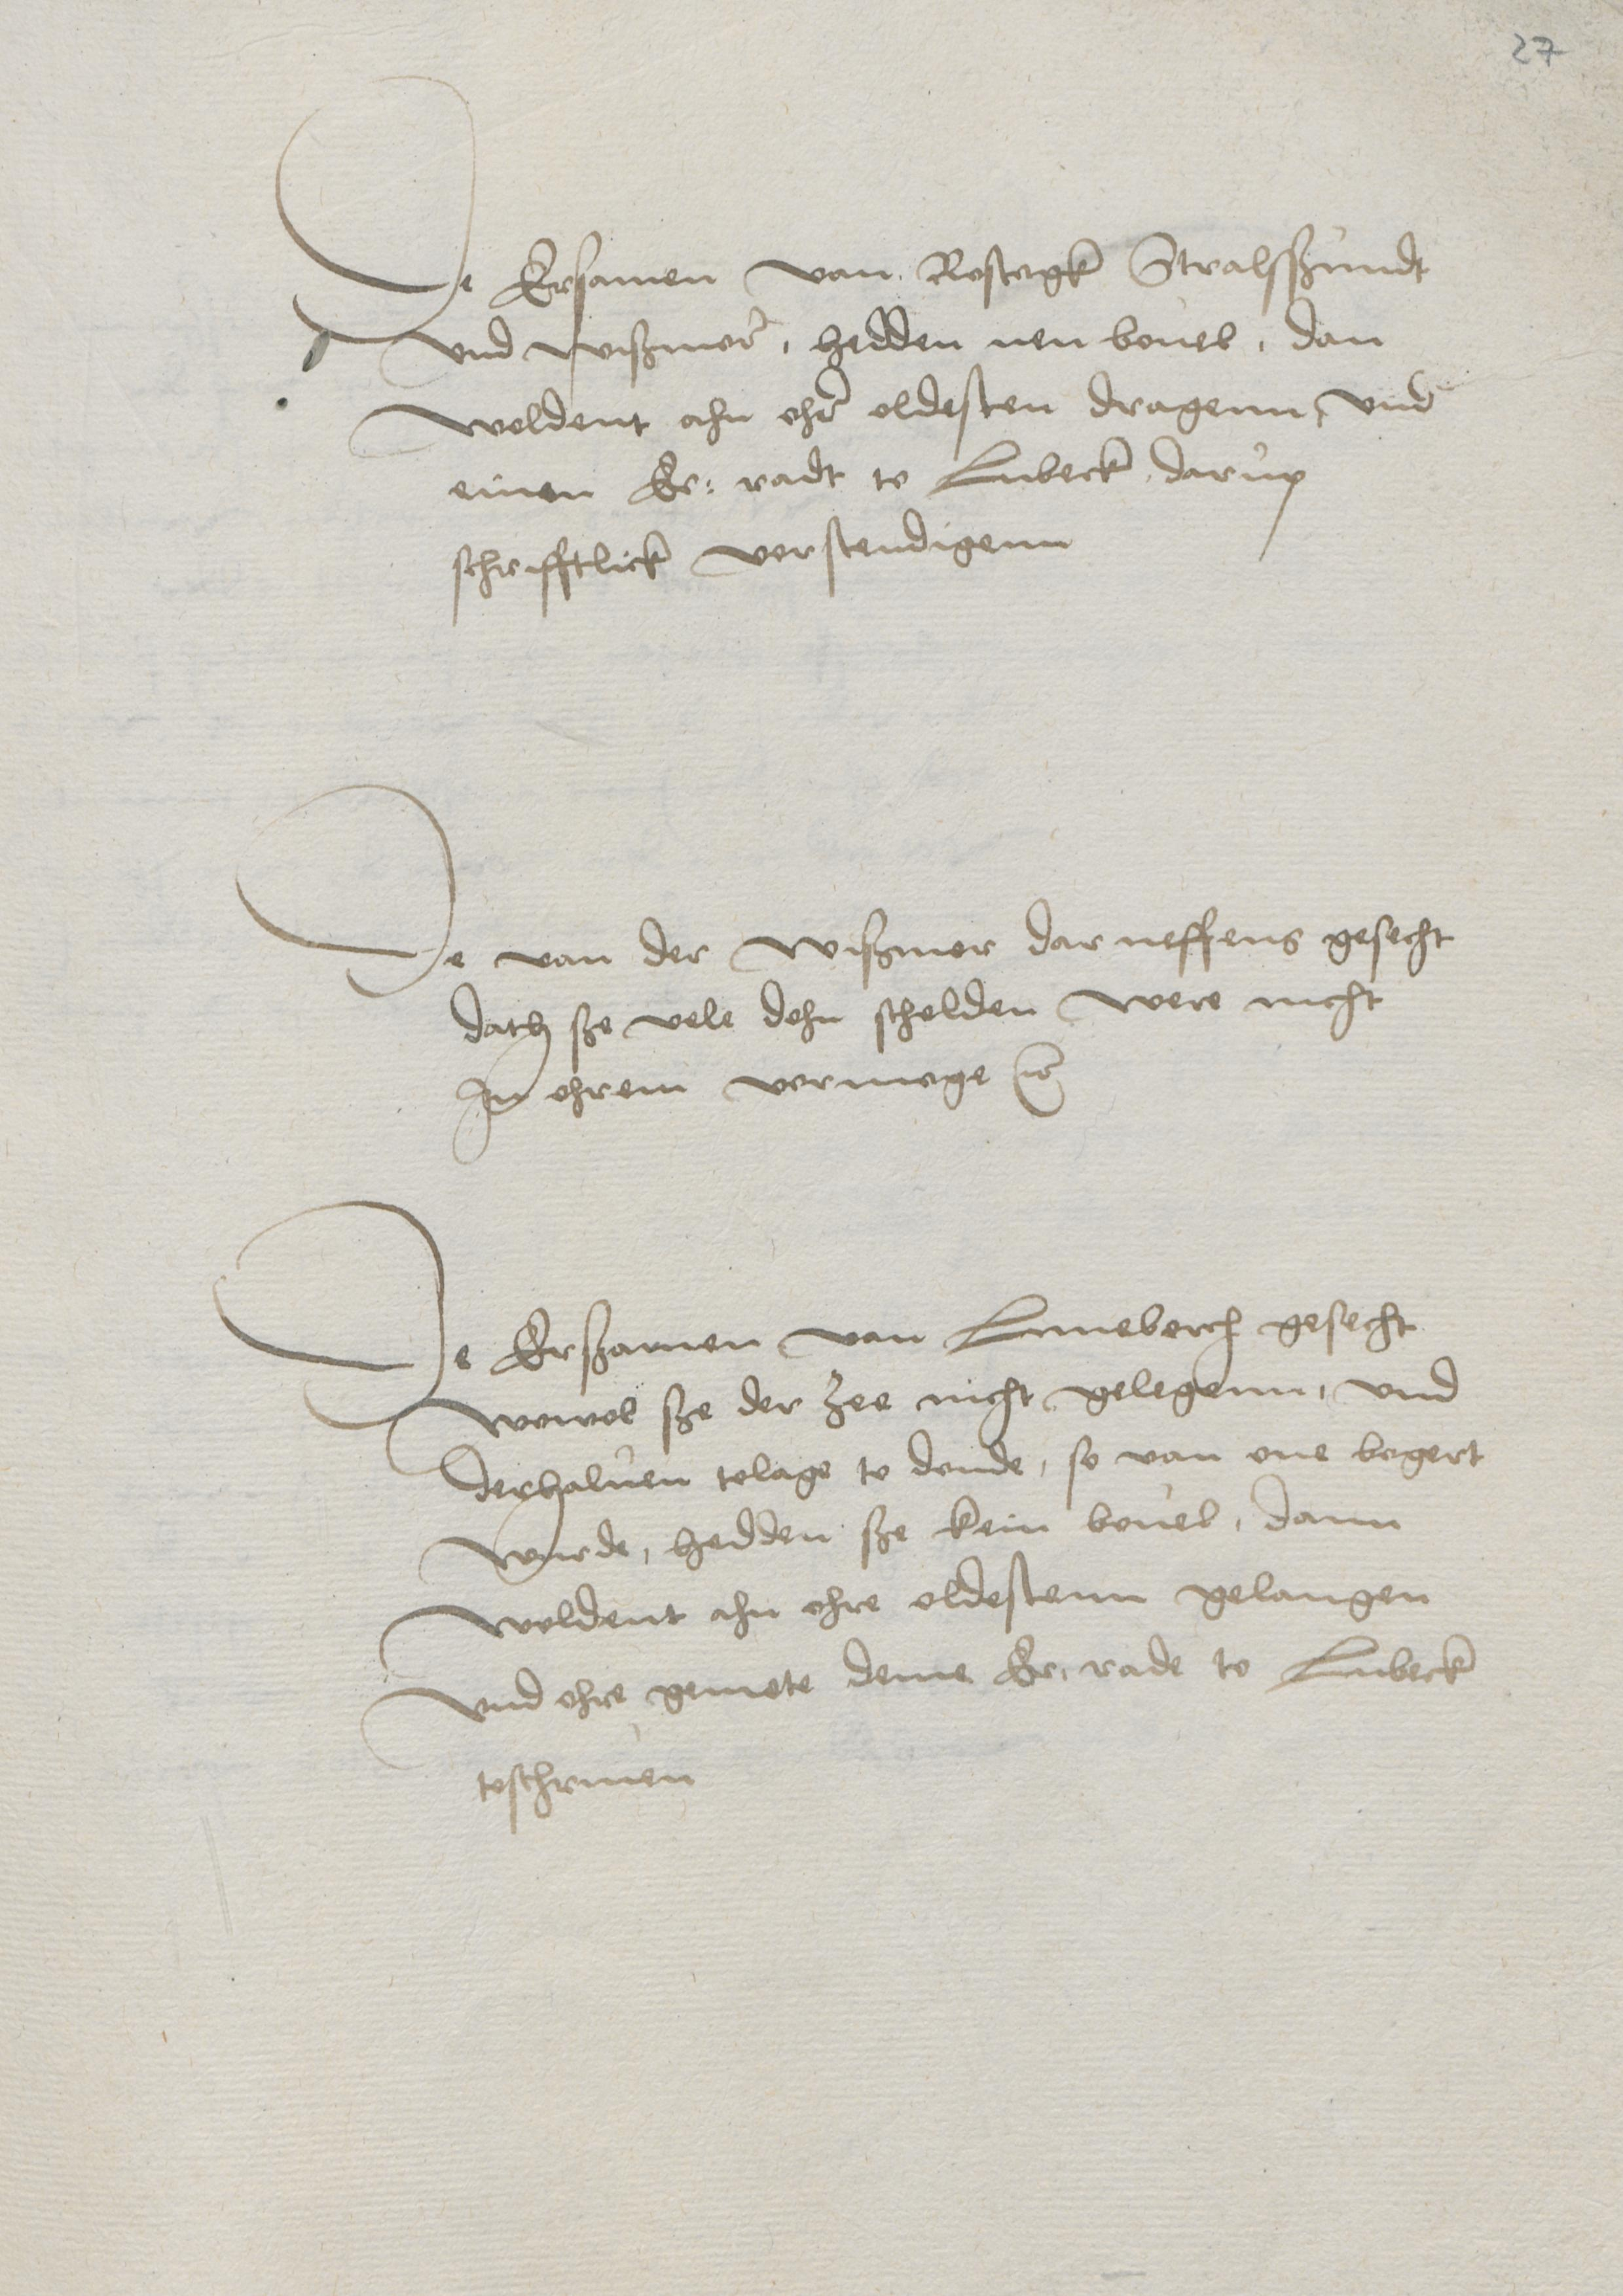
De Ersamen van Rostogk Stralsßundt
vnd wißmer, hedden nen beuel, dan
woldent ahn ehr eldesten dragenn, vnd
einen Er: radt to Lubeck darup
schrifftlick verstendigenn
De van der wißmer dar neffens gesecht
dath ße vele dohn scholden were nicht
jn ehrem vermoge etc
De Erßamen van Luneborch gesecht
wewol ße der zee nicht gelegenn, vnd
derhaluen tolage to donde, so van ene begert
wurde, hedden ße kein beuel, dann
woldent ahne ehre eldestenn gelangen
vnd ehre gemete deme Er: rade to Lubeck
toschriuen
